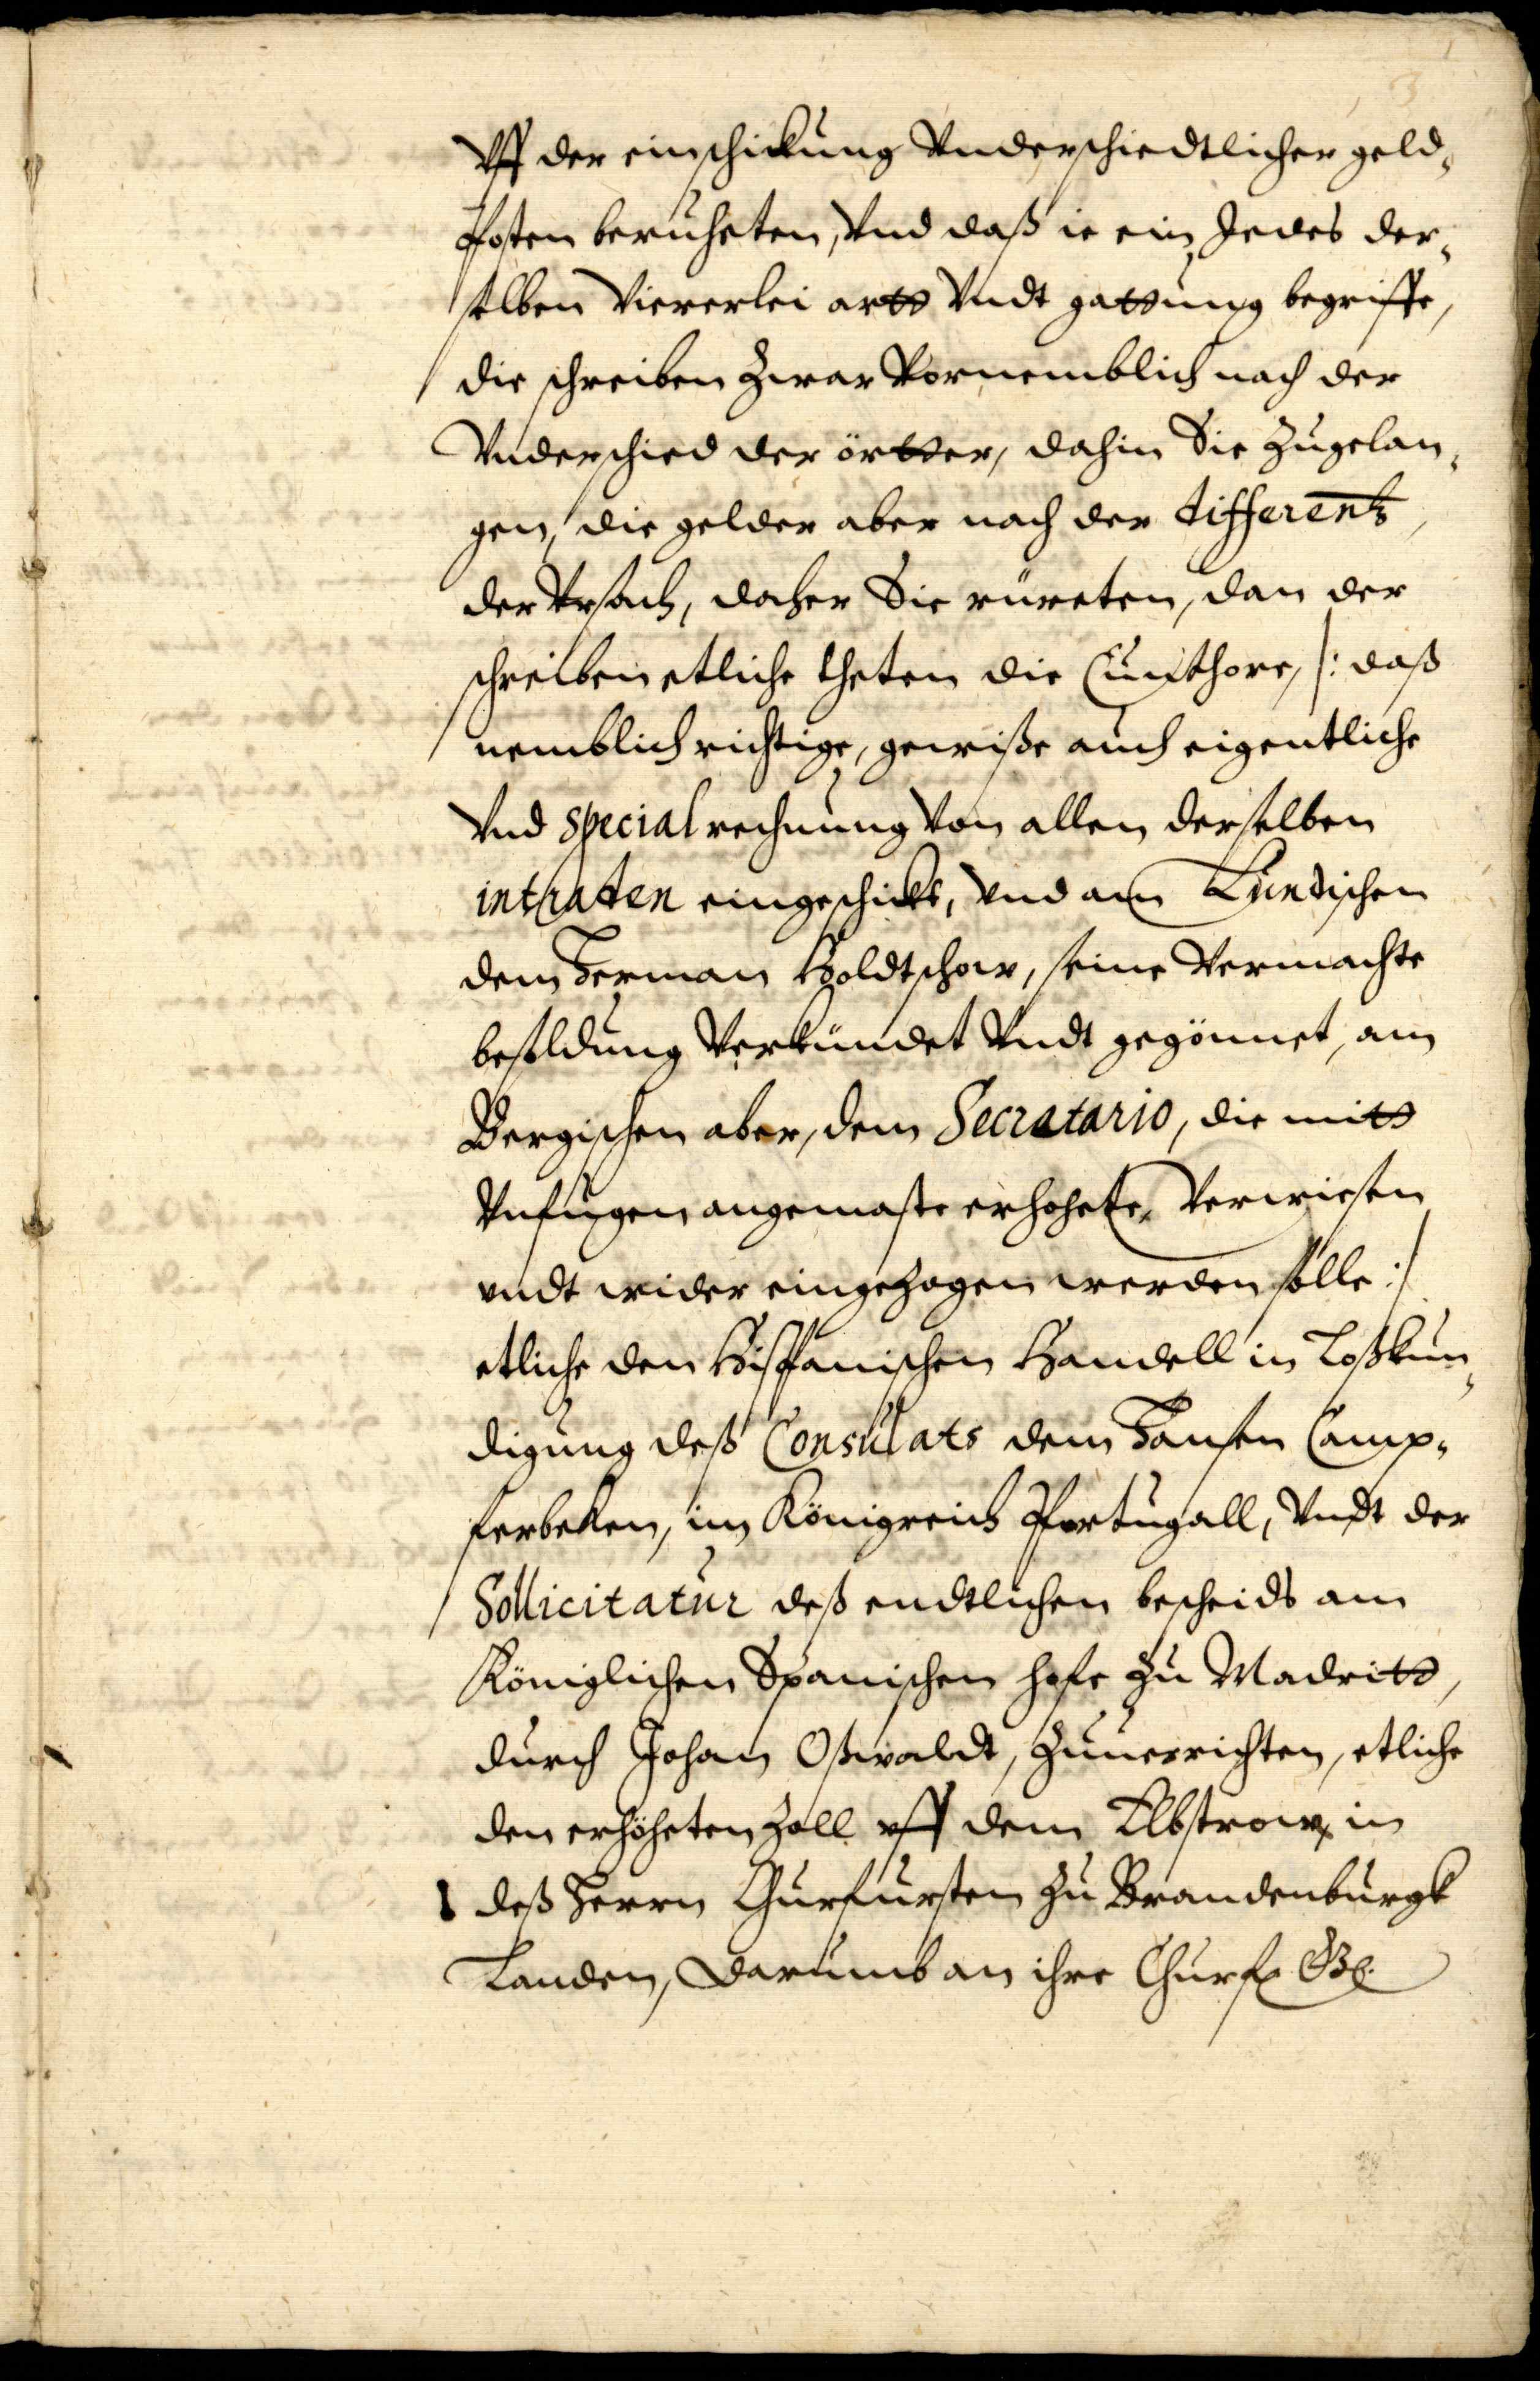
3
Vff der einschickung vnderschiedtlicher geld¬
Posten beruheten, Vnd daß ie ein Iedes der¬
selben Viererlei artt Vndt gattung begriffe,
die schreiben Zwar Vornemblich nach der
Vnderschied der örtter, dahin Sie zugelan¬
gen, die gelder aber nach der differentz,
der Vrsach, daher Sie rüreten, dan der
schreiben etliche theten die Cunthore, |: daß
nemblich richtige, gewiße auch eigentliche
Vnd special rechnung von allen derselben
intraden eingeschickt, vnd am Lundischen
dem Herman Holdtschow, seine Vermachte
besoldung verkündet vndt gegönnet, am
Bergischen aber, dem Secratario, die mitt
Vnfugen angemaste erhohete, Verwiesen
vndt wider eingezogen werden solle :|
etliche den Hispanischen Handell in Loßkun¬
digung deß Consulats dem Hansen Camp¬
ferbeken, im Königreich Portugall, Vndt der
Sollicitatur deß endtlichen bescheids an
Königlichen Spanischen hofe zu Madritt,
durch Johan Oswaldt, zuverrichten, etliche
den erhöheten Zoll vff dem Elbstrom, in
deß Herrn Churfursten zu Brandenburgk
Landen, darumb an ihre Churfl. Gd.
